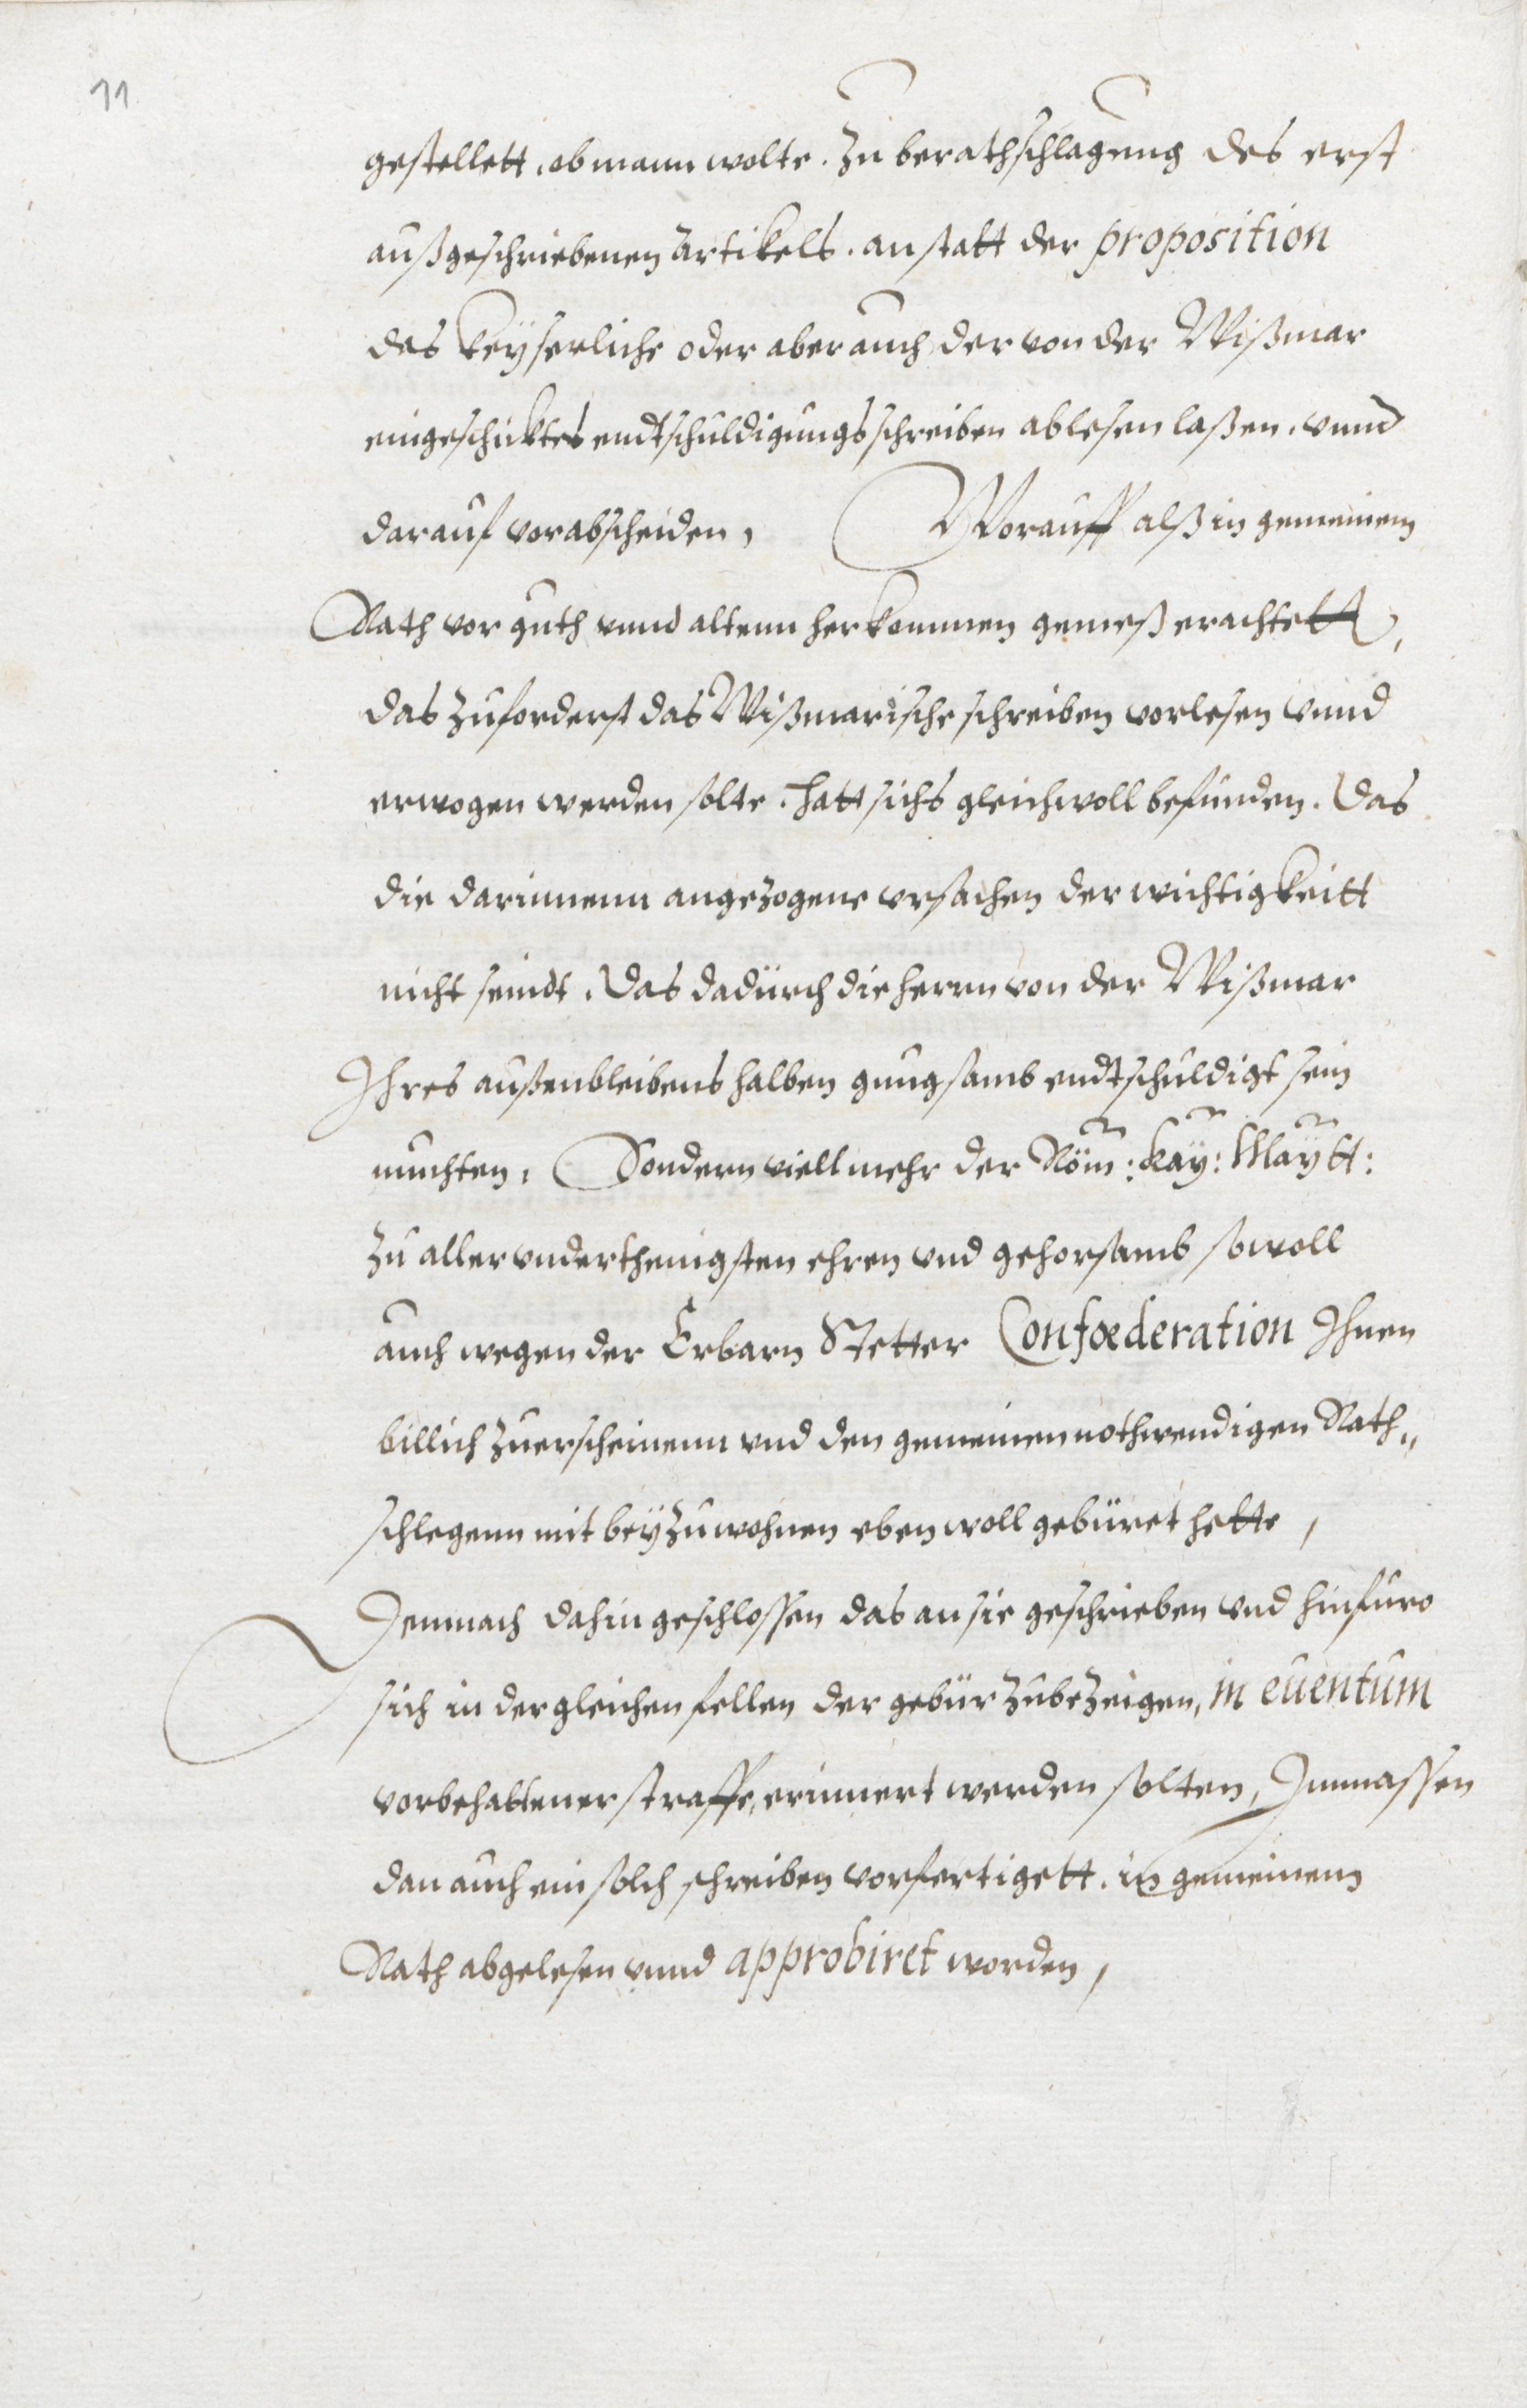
gestellett, ob mann wolte, zu berathschlagung des erst
außgeschriebenen Artikels, anstatt der proposition
des Keijserliche oder aber auch der von der Wißmar
eingeschicktes endtschuldigungsschreiben ablesen laßen, vnnd
darauf vorabscheiden, Worauff alß in gemeinenn
Rath vor guth vnnd altenn herkommen gemeß erachtett,
das zuforderst das Wißmarische schreiben vorlesen vnnd
erwogen werden solte. hatt sichs gleichwoll befinden, das
die darinnenn angezogene vrsachen der wichtigkeitt
nicht seindt. das dadürch dir herrn von der Wißmar
Ihres außenbleibens halben gnugsamb endtschuldigt sein
muchten, Sondern weill mehr der Röm: Kaij: Maijtt:
zu aller vnderthenigsten ehren vnd gehorsamb sowoll
auch wegen der Erbarn Stetter Confoederation Ihnen
billich zuerscheinenn vnd den gemeinen nothwendigen Rath¬
schlagenn mit beijzuwohnen eben woll gebüret hette,
Demmach dahin geschlossen das an sie geschrieben vnd hinfüro
sich in dergleichen fellen der gebür zubezeigen, in euentum
vorbehaltener straffe erinnert werden solten, Inmassen
dan auch ein solch schreiben vorfertigett, in gemeinenn
Rath abgelesen vnnd approbiret worden,
